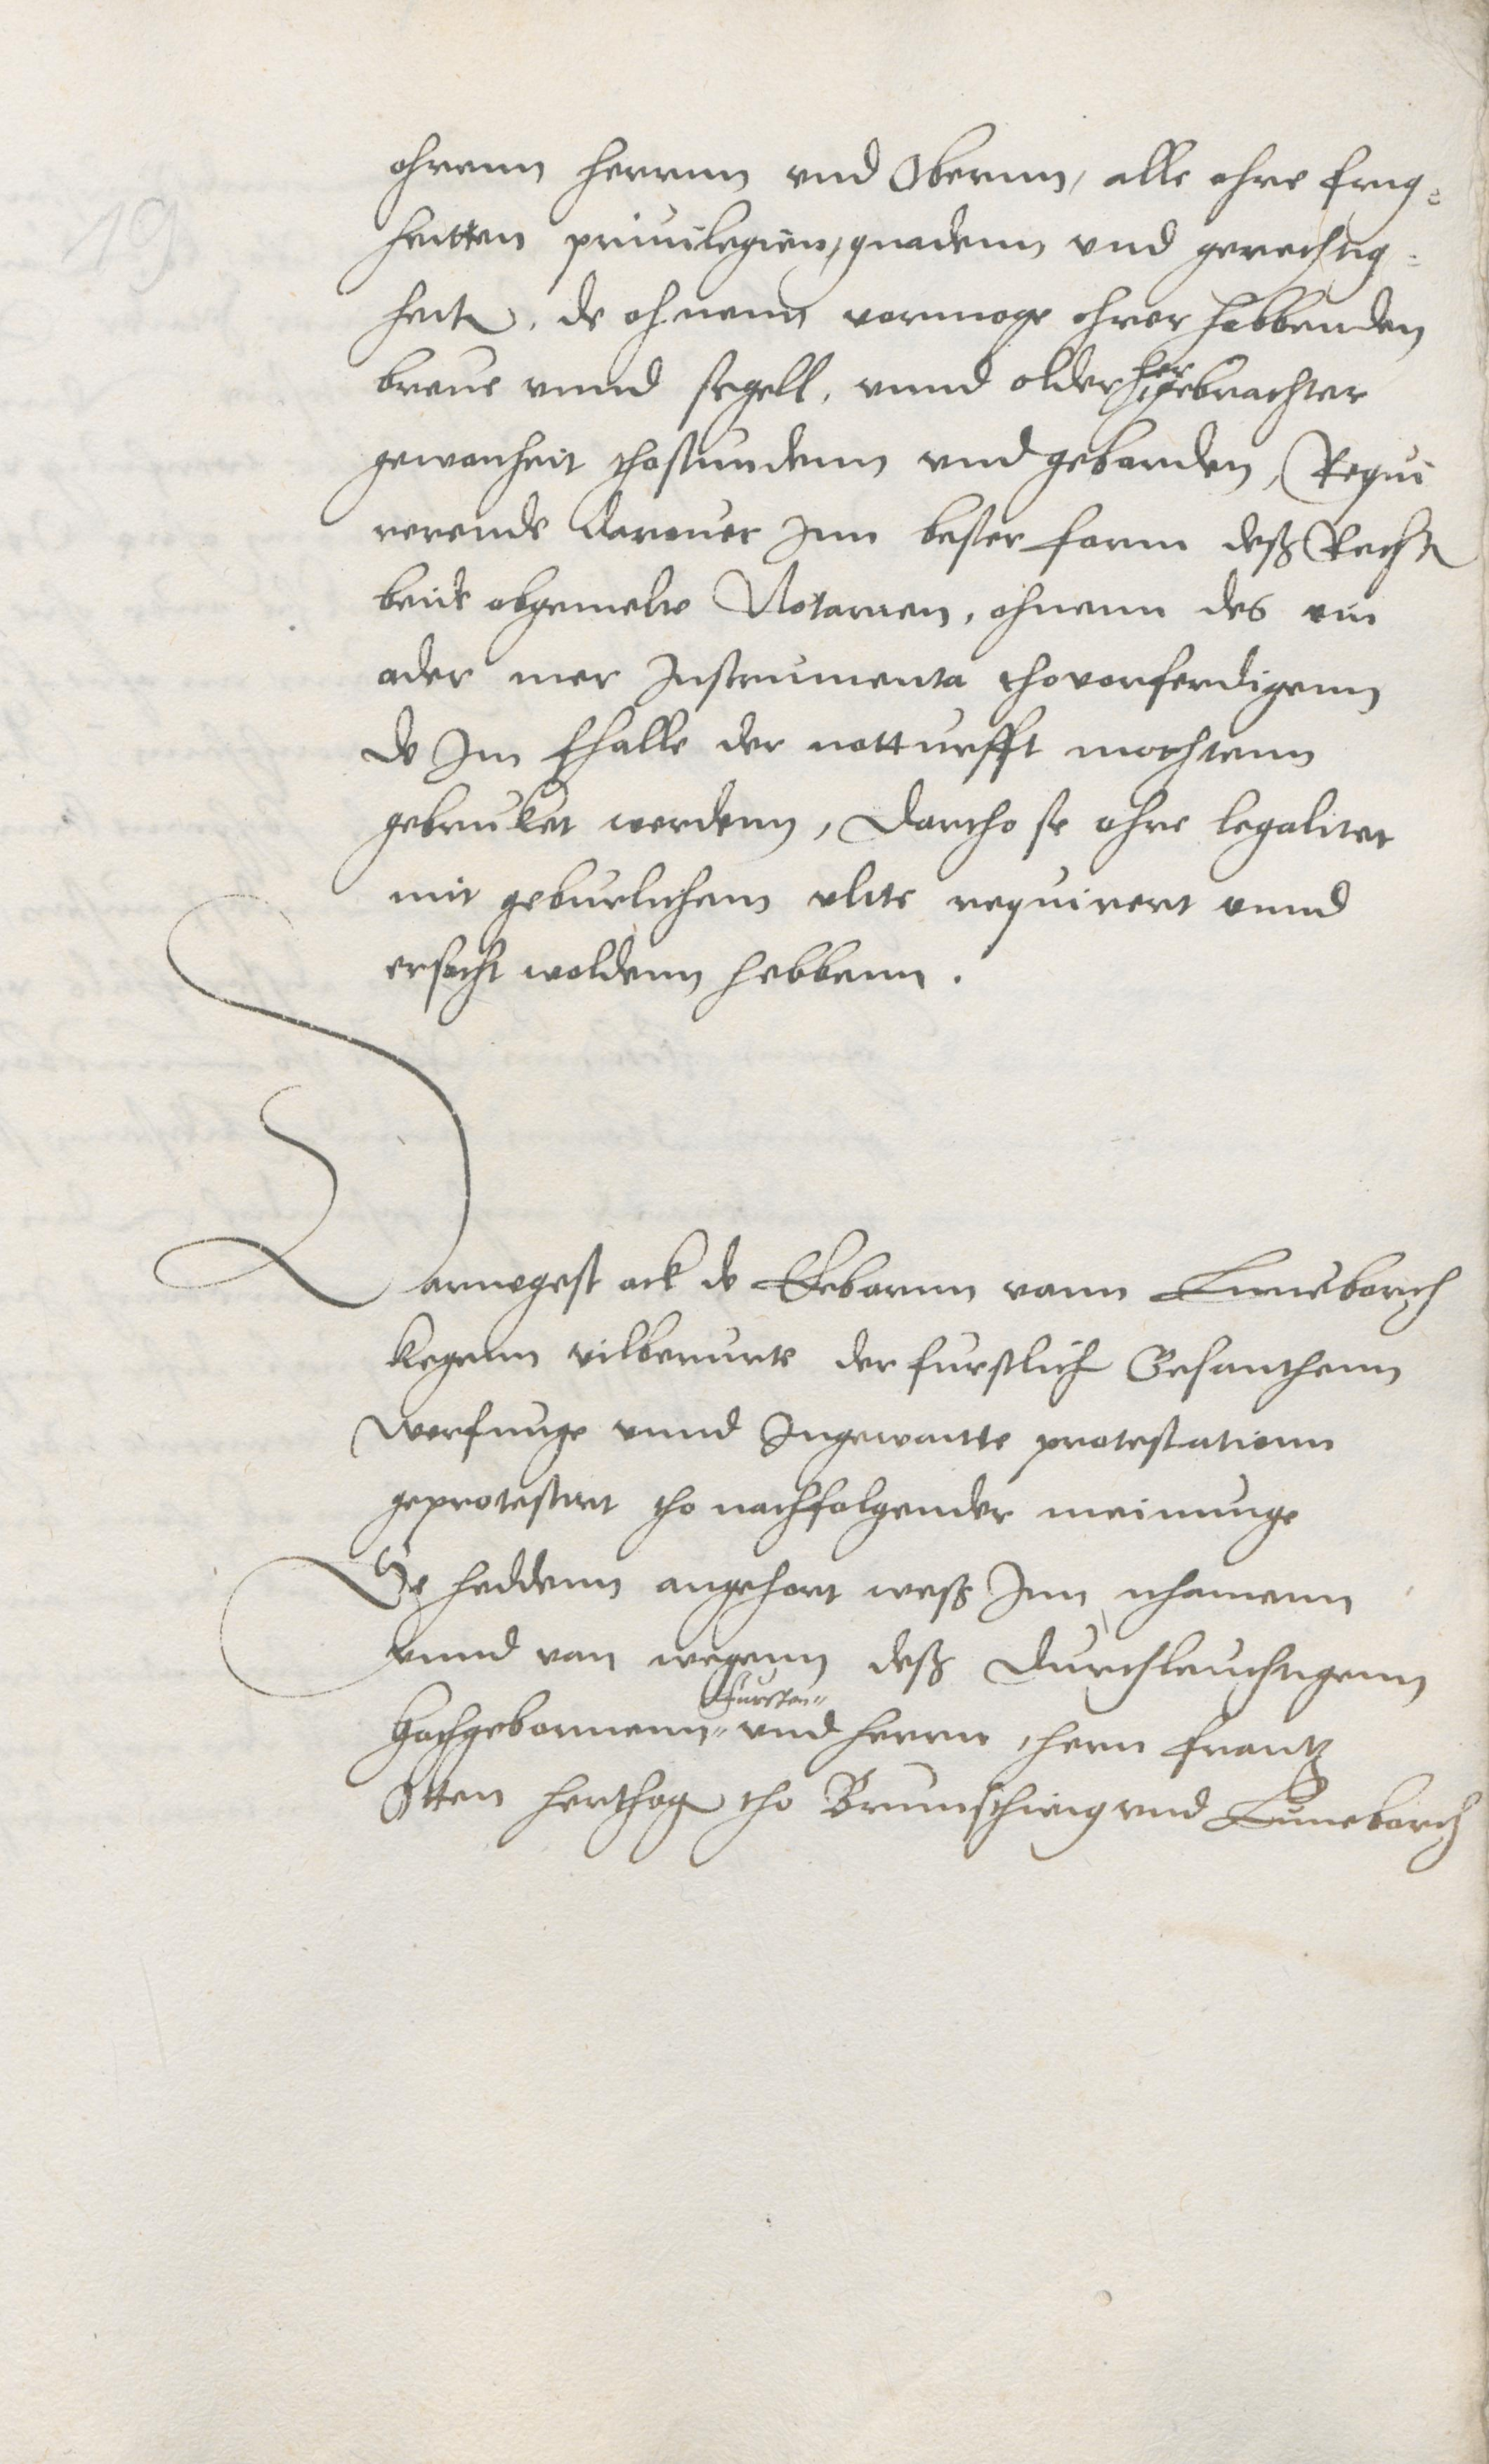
ohrenn herrnn vnd Obernn, alle ohre frig¬
heitten priuilegien, gnadenn vnd gerechtig¬
heiten, de ohnenn vormoge ohrer hebbenden
breue vnnd segell, vnnd older hergebrachter
gewonheit thostundenn vnd geborden, Requi¬
rerende darouer jnn bester form deß Rechten
beide obgemelte Notarien, ohnenn des ein
ader mer jnstrumenta thovorferdigenn
De jm fhalle der notturfft mochtenn
gebruket werdenn, dartho se ohre legalitet
mit geburlichen vlite requirert vnnd
ersocht woldenn hebbenn.
Darnegest ock de Erbarnn vann Luneborch
kegenn vilberurte der furstlichen Gesanthenn
werfunge vnnd jngewante protestationn
geprotestirt tho nachfolgender meinunge
Se heddenn angehort weß jnn nhamenn
vnnd van wegenn deß Durchleuchtigenn
Fursten "
Hochgebornenn " vnd herrn, hern frantz
Otten herthogen tho Brunschwig vnd Luneborch
